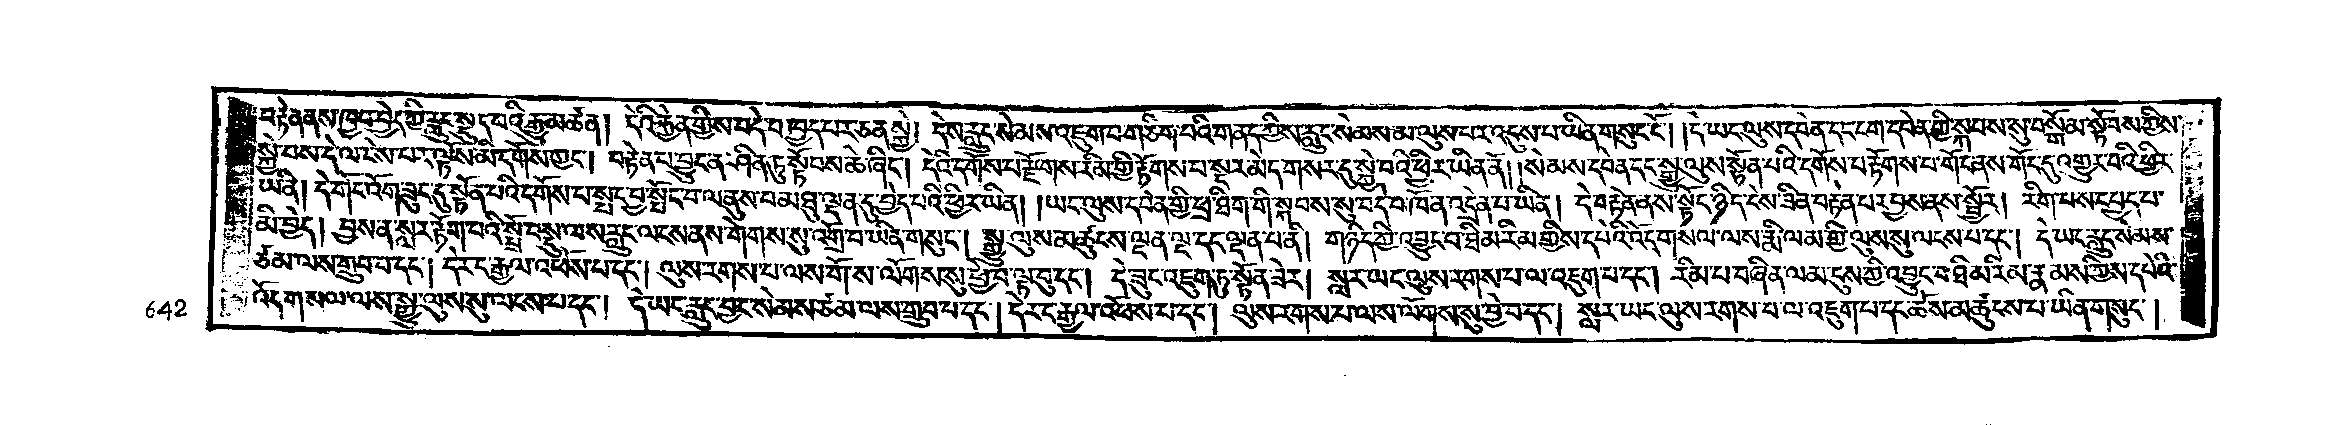བརྟེན་ནས་ཁྱབ་བྱེད་ཀྱི་རླུང་སྡུད་པའི་རྒྱུ་མཚན། དེའི་རྐྱོན་གྱིས་བདེ་བ་ཁྱད་པར་ཅན་སྐྱེ། དེས་རླུང་སེམས་འཇུག་པ་གཅིག་པའི་གནད་ཀྱིས་རླུང་སེམས་མ་ལུས་པར་འདུས་པ་ཡིན་གསུང་ངོ། །དེ་ཡང་ལུས་དབེན་དང་ངག་དབེན་གྱི་སྐབས་སུ་བསྒོམ་སྟོབས་ཀྱིས་
སྐྱེ་བས་དེ་ལ་ངེས་པར་ལྟོས་མི་དགོས་ཀྱང་། བརྟེན་པ་བྱུང་ན་ཤིན་ཏུ་སྟོབས་ཆེ་ཞིང་། དེའི་དགོས་པ་རྫོགས་རིམ་གྱི་རྟོགས་པ་སྔར་མེད་གསར་དུ་སྐྱེ་བའི་ཕྱིར་ཡིན་ནོ། །སེམས་དབེན་དང་སྒྱུ་ལུས་སྟོན་པའི་དགོས་པ་རྟོགས་པ་གོང་ནས་གོང་དུ་འགྱུར་བའི་ཕྱིར་
ཡིན། དེ་གོང་འོག་ཟུང་དུ་སྟོན་པའི་དགོས་པ་སྤང་བྱ་སྤོང་བ་ལ་ནུས་མཐུ་ལྡན་དུ་བྱེད་པའི་ཕྱིར་ཡིན། །ཡང་ལུས་དབེན་གྱི་ཕྲ་ཐིག་གི་སྐབས་སུ་བདེ་བ་ཁོ་ན་འདྲེན་པ་ཡིན། དེ་བརྟེན་ནས་སྟོང་ཉིད་ངེས་ཟིན་བརྟེན་པར་བྱས་ནས་སྦྱོར། རིག་པས་དཔྱད་པ་
མི་བྱེད། བྱས་ན་སླར་རྟོག་པའི་སྤྲོ་བསྡུ་ལས་རླུང་ལངས་ནས་གེགས་སུ་འགྲོ་བ་ཡིན་གསུང་། སྒྱུ་ལུས་མཚུངས་ལྡན་ལྔ་དང་ལྡན་པ་ནི། གཉིད་ཀྱི་འབྱུང་བ་ཐིམ་རིམ་གྱིས་དཔེའི་འོད་གསལ་ལས་རྨི་ལམ་གྱི་ལུས་སུ་ལངས་པ་དང་། དེ་ཡང་རླུང་སེམས་
ཙམ་ལས་གྲུབ་པ་དང་། དེར་ང་རྒྱལ་འཕོས་པ་དང་། ལུས་རགས་པ་ལས་གོ་ས་ལོགས་སུ་ཕྱེ་བ་ལྟ་བུ་དང་། དེ་ཟུང་འཇུག་ཏུ་སྟོན་ཟེར། སླར་ཡང་ལུས་རགས་པ་ལ་འཇུག་པ་དང་། རིམ་པ་བཞིན་ལམ་དུས་ཀྱི་འབྱུང་བ་ཐིམ་རིམ་རྣམས་ཀྱིས་དཔེའི་
འོད་གསལ་ལས་སྒྱུ་ལུས་སུ་ལངས་པ་དང་། དེ་ཡང་རླུང་བྱང་སེམས་ཙམ་ལས་གྲུབ་པ་དང་། དེར་ང་རྒྱལ་འཕོས་པ་དང་། ལུས་རགས་པ་ལས་ལོགས་སུ་བྱེ་བ་དང་། སླར་ཡང་ལུས་རགས་པ་ལ་འཇུག་པ་དང་ཆོས་མཚུངས་པ་ཡིན་གསུང་།